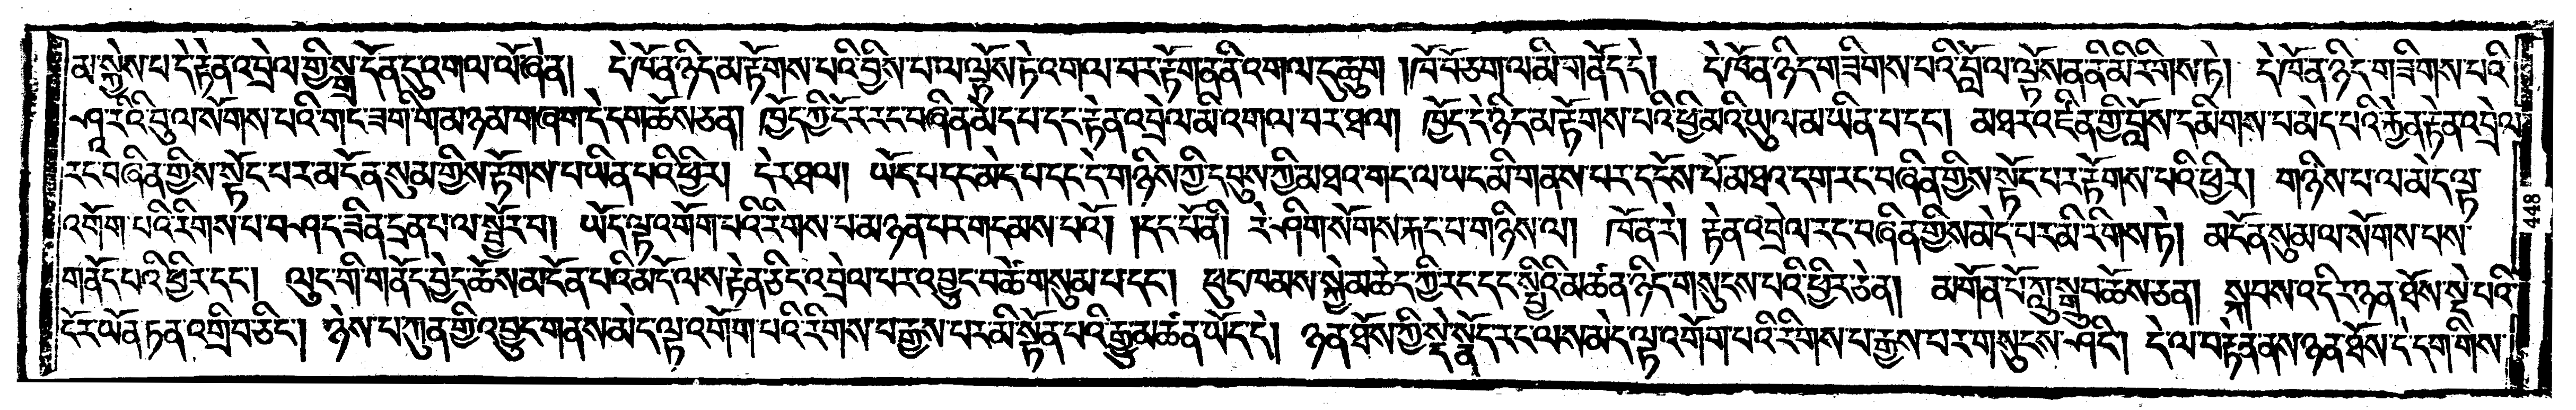མ་སྐྱེས་པ་དེ་རྟེན་འབྲེལ་གྱི་སྒྲ་དོན་དུ་འགལ་ལོ་ཞེ་ན། དེ་ཁོ་ན་ཉིད་མ་རྟོགས་པའི་བྱིས་པ་ལ་ལྟོས་ཏེ་འགལ་བར་རྟོག་ན་ནི་འགལ་དུ་ཆུག །ཁོ་བོ་ཅག་ལ་མི་གནོད་དེ། དེ་ཁོ་ན་ཉིད་གཟིགས་པའི་བློ་ལ་ལྟོས་ན་ནི་མི་རིགས་ཏེ། དེ་ཁོ་ན་ཉིད་གཟིགས་པའི་
ཤཱ་རིའི་བུ་ལ་སོགས་པའི་གང་ཟག་གི་མཉམ་གཞག་དེ་དག་ཆོས་ཅན། ཁྱོད་ཀྱི་ངོར་རང་བཞིན་མེད་པ་དང་རྟེན་འབྲེལ་མི་འགལ་བར་ཐལ། ཁྱོད་དེ་ཉིད་མ་རྟོགས་པའི་ཕྱི་མའི་ཡུལ་མ་ཡིན་པ་དང་། མཐར་འཛིན་གྱི་བློས་དམིགས་པ་མེད་པའི་རྐྱེན་རྟེན་འབྲེལ་
རང་བཞིན་གྱིས་སྟོང་པར་མངོན་སུམ་གྱིས་རྟོགས་པ་ཡིན་པའི་ཕྱིར། དེར་ཐལ། ཡོད་པ་དང་མེད་པ་དང་དེ་གཉིས་ཀྱི་དབུས་ཀྱི་མཐའ་གང་ལ་ཡང་མི་གནས་པར་དངོས་པོ་མཐའ་དག་རང་བཞིན་གྱིས་སྟོང་པར་རྟོགས་པའི་ཕྱིར། གཉིས་པ་ལ་མེད་ལྟ་
འགོག་པའི་རིགས་པ་བཤད་ཟིན་དྲན་པ་ལ་སྦྱོར་བ། ཡོད་ལྟ་འགོག་པའི་རིགས་པ་མཉམ་པར་གདམས་པའོ། །དང་པོ་ནི། རེ་ཤིག་སོགས་རྐང་པ་གཉིས་ལ། ཁོ་ན་རེ། རྟེན་འབྲེལ་རང་བཞིན་གྱིས་མེད་པར་མི་རིགས་ཏེ། མངོན་སུམ་ལ་སོགས་པས་
གནོད་པའི་ཕྱིར་དང་། ལུང་གི་གནོད་བྱེད་ཆོས་མངོན་པའི་མདོ་ལས་རྟེན་ཅིང་འབྲེལ་པར་འབྱུང་བ་ཚེ་གསུམ་པ་དང་། ཕུང་ཁམས་སྐྱེ་མཆེད་ཀྱི་རང་དང་སྤྱིའི་མཚན་ཉིད་གསུངས་པའི་ཕྱིར་ཅེ་ན། མགོན་པོ་ཀླུ་སྒྲུབ་ཆོས་ཅན། སྐབས་འདིར་ཉན་ཐོས་སྡེ་པའི་
ངོར་ཡོན་ཏན་འགྲིབ་ཅིང་། ཉེས་པ་ཀུན་གྱི་འབྱུང་གནས་མེད་ལྟ་འགོག་པའི་རིགས་པ་རྒྱས་པར་མི་སྟོན་པའི་རྒྱུ་མཚན་ཡོད་དེ། ཉན་ཐོས་ཀྱི་སྡེ་སྣོད་རང་ལས་མེད་ལྟ་འགོག་པའི་རིགས་པ་རྒྱས་པར་གསུངས་ཤིང་། དེ་ལ་བརྟེན་ནས་ཉན་ཐོས་དེ་དག་གིས་